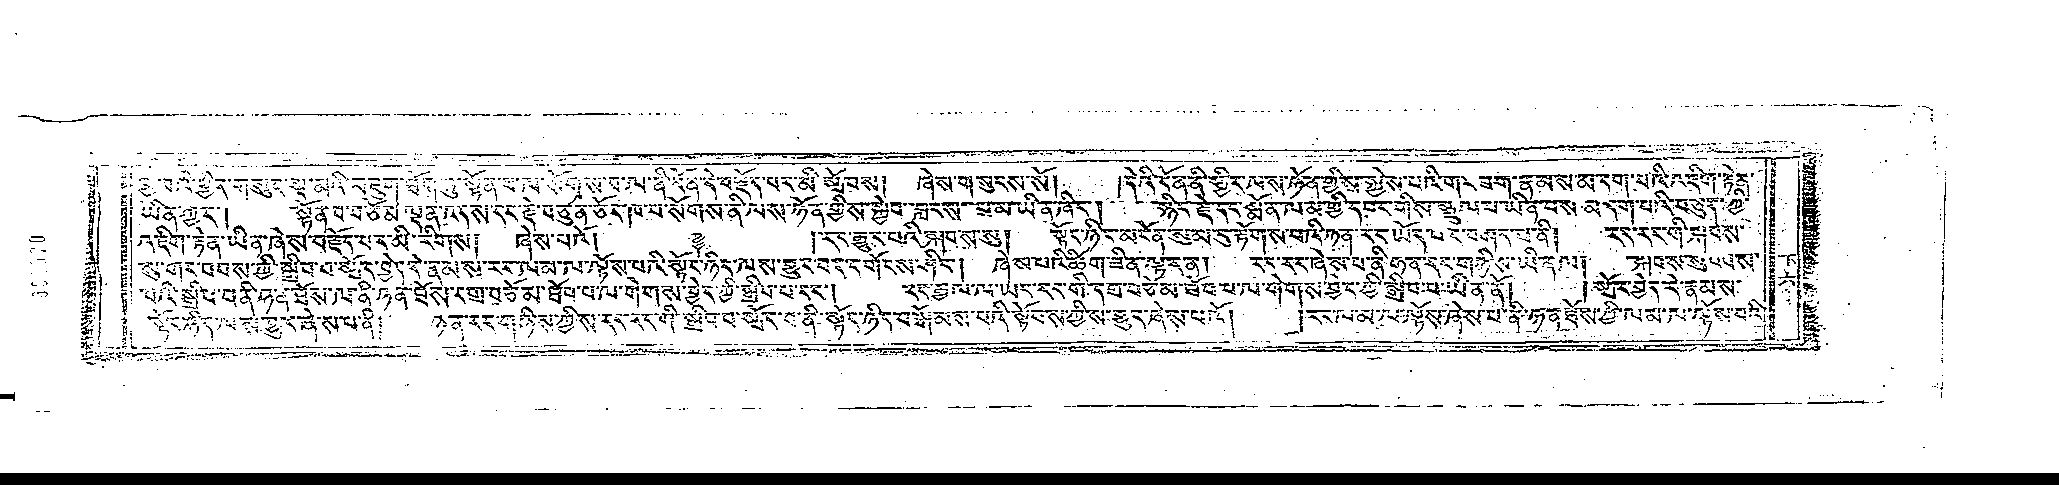ཕྱེ་བའི་ཕྱིར་གསུང་སྔ་མའི་མཇུག་ཐོག་ཏུ་སྟོན་པ་ལ་སོགས་པ་ལ་ནི་དོན་དེ་བརྗོད་བར་མི་སྤོབས། ཞེས་གསུངས་སོ། །དེའི་དོན་ནི་སྤྱིར་ལས་ཉོན་གྱིས་སྐྱེས་པའི་གང་ཟག་རྣམས་མ་དག་པའི་འཇིག་རྟེན་
ཡིན་ཀྱང་། སྟོན་པ་བཅོམ་ལྡན་འདས་དང་རྗེ་བཙུན་ཙོང་ཁ་པ་སོགས་ནི་ལས་ཉོན་གྱིས་སྐྱེ་བ་བླངས་པ་མ་ཡིན་ཞིང་། སྙིང་རྗེ་དང་སྨོན་ལམ་གྱི་དབང་གིས་སྤྲུལ་པ་ཡིན་པས་མ་དག་བའི་བཅུད་ཀྱི་
འཇིག་རྟེན་ཡིན་ཞེས་བརྗོད་པར་མི་རིགས། ཞེས་པའོ། ༈ རང་རྒྱུད་པའི་སྐབས་སུ། སྟོང་ཉིད་མངོན་སུམ་དུ་རྟོགས་པའི་ཉན་རང་ཡོད་བར་བཤད་པ་ནི། རང་རང་གི་སྐབས་
སུ་གང་བབས་ཀྱི་སྒྲིབ་པ་སྤོང་བྱེད་དེ་རྣམས་རང་ལམ་ལ་ལྟོས་པའི་སྟོང་ཉིད་ལས་བྱུང་བར་དགོངས་ཤིང་། ཞེས་པའི་ཚིག་ཟིན་ལྟར་ན། རང་རང་ཞེས་པ་ནི་ཉན་རང་གཉིས་ཡིན་ལ། སྐབས་སུ་བབས་
པའི་སྒྲིབ་པ་ནི་ཉན་ཐོས་ལ་ནི་ཉན་ཐོས་ཀྱི་དགྲ་བཅོམ་ཐོབ་པ་ལ་གེགས་བྱེད་ཀྱི་སྒྲིབ་པ་དང་། རང་རྒྱལ་ལ་ཡང་རང་གི་དགྲ་བཅོམ་ཐོབ་པ་ལ་དགེགས་བྱེད་ཀྱི་སྒྲིབ་པ་ཡིན་ནོ། །སྤོང་བྱེད་དེ་རྣམས་
སྟོང་ཉིད་ལས་བྱུང་ཞེས་པ་ནི། ཉན་རང་གཉིས་ཀྱིས་རང་རང་གི་སྒྲིབ་པ་སྤོང་བ་ནི་སྟོང་ཉིད་བསྒོམས་པའི་སྟོབས་ཀྱིས་བྱུང་ཞེས་པའོ། །རང་ལམ་ལ་ལྟོས་ཞེས་པ་ནི་ཉན་ཐོས་ཀྱི་ལམ་ལ་ལྟོས་པའི་